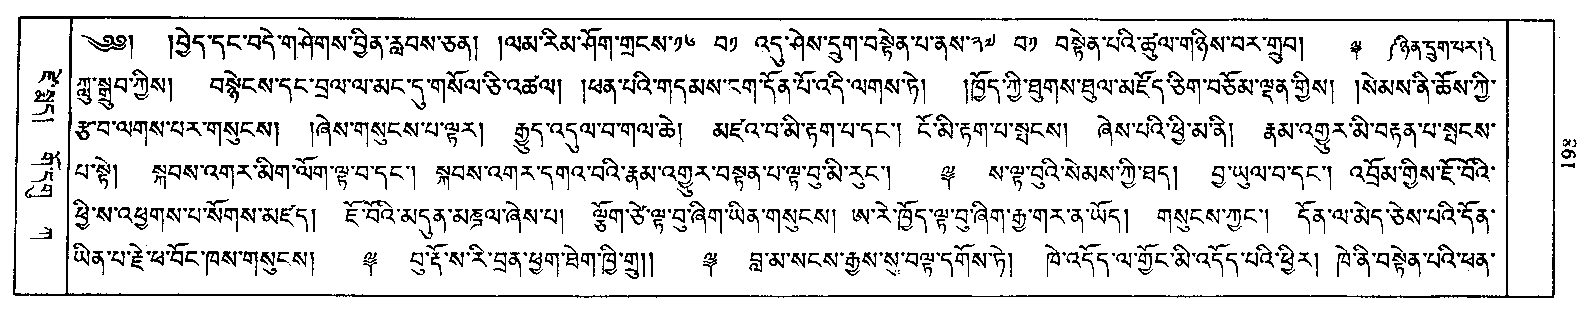༄༅། །བྱེད་དང་བདེ་གཤེགས་བྱིན་རླབས་ཅན། །ལམ་རིམ་ཤོག་གྲངས ༡༦་བ ༡་འདུ་ཤེས་དྲུག་བསྟེན་པ་ནས ༢༧་བ ༡་བསྟེན་པའི་ཚུལ་གཉིས་བར་གྲུབ། ༈ ཉིན་དྲུག་པར།?
ཀླུ་སྒྲུབ་ཀྱིས། བསྙེངས་དང་བྲལ་ལ་མང་དུ་གསོལ་ཅི་འཚལ། །ཕན་པའི་གདམས་ངག་དོན་པོ་འདི་ལགས་ཏེ། །ཁྱོད་ཀྱི་ཐུགས་ཐུལ་མཛོད་ཅིག་བཅོམ་ལྡན་གྱིས། །སེམས་ནི་ཆོས་ཀྱི་
རྩ་བ་ལགས་པར་གསུངས། །ཞེས་གསུངས་པ་ལྟར། རྒྱུད་འདུལ་བ་གལ་ཆེ། མཛའ་བ་མི་རྟག་པ་དང་། ངོ་མི་རྟག་པ་སྤངས། ཞེས་པའི་ཕྱི་མ་ནི། རྣམ་འགྱུར་མི་བརྟན་པ་སྤངས་
པ་སྟེ། སྐབས་འགར་མིག་ལོག་ལྟ་བ་དང་། སྐབས་འགར་དགའ་བའི་རྣམ་འགྱུར་བསྟན་པ་ལྟ་བུ་མི་རུང་། ༈ ས་ལྟ་བུའི་སེམས་ཀྱི་ཐད། བྱ་ཡུལ་བ་དང་། འབྲོམ་གྱིས་ཇོ་བོའི་
ཕྱི་ས་འཕྱགས་པ་སོགས་མཛད། ཇོ་བོའི་མདུན་མཎྜལ་ཞེས་པ། ལྕོག་ཙེ་ལྟ་བུ་ཞིག་ཡིན་གསུངས། ཨ་རེ་ཁྱོད་ལྟ་བུ་ཞིག་རྒྱ་གར་ན་ཡོད། གསུངས་ཀྱང་། དོན་ལ་མེད་ཅེས་པའི་དོན་
ཡིན་པ་རྗེ་ཕ་བོང་ཁས་གསུངས། ༈ བུ་རྡོ་ས་རི་བྲན་ཕྱག་ཐེག་ཁྱི་གྲུ།། ༈ བླ་མ་སངས་རྒྱས་སུ་བལྟ་དགོས་ཏེ། ཁེ་འདོད་ལ་གྱོང་མི་འདོད་པའི་ཕྱིར། ཁེ་ནི་བསྟེན་པའི་ཕན་